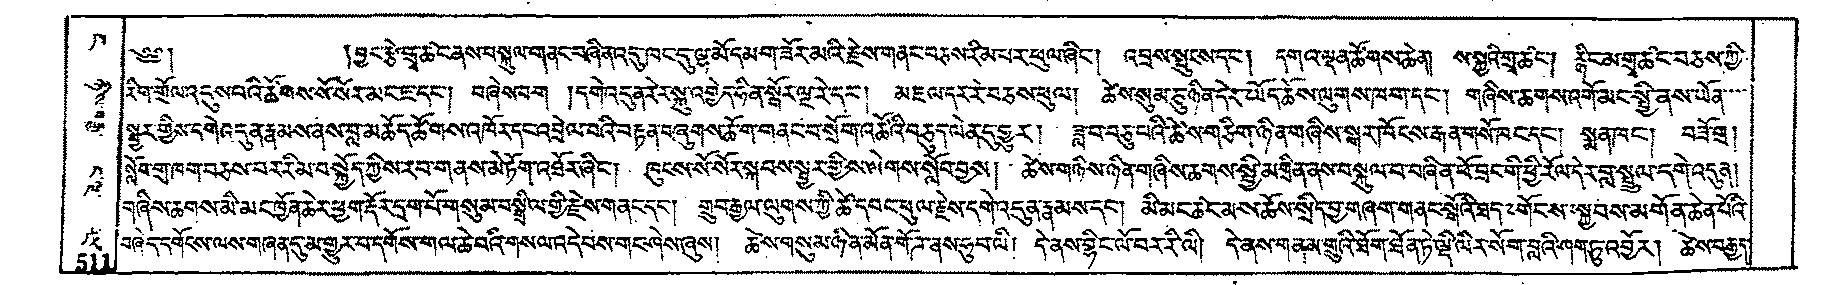༄༅། །བྱང་རྩེ་གྲྭ་ཚང་ནས་བསྐུལ་གནང་བཞིན་འདུ་ཁང་དུ་ལྷ་མོ་དམག་ཟོར་མའི་རྗེས་གནང་བཅས་རིམ་པར་ཕུལ་ཞིང་། འབྲས་སྤུངས་དང་། དགའ་ལྡན་ཚོགས་ཆེན། ས་སྐྱའི་གྲྭ་ཚང་། རྙིང་མ་གྲྭ་ཚང་བཅས་ཀྱི་
རིག་གྲོལ་འདུས་པའི་ཚོགས་སོ་སོར་མང་ཇ་དང་། བཞེས་བག །དགེ་འདུན་རེར་སྐུ་འགྱེད་ཧིན་སྒོར་ལྔ་རེ་དང་། མཇལ་དར་རེ་བཅས་ཕུལ། ཚེས་སུམ་ཅུ་ཉིན་དེར་ཡོད་ཆོས་ལུགས་ཁག་དང་། གཞིས་ཆགས་འགོ་མང་སྤྱི་ནས་ཡོན་
སྦྱར་གྱིས་དགེ་འདུན་རྣམས་ནས་བླ་མཆོད་ཚོགས་འཁོར་དང་འབྲེལ་བའི་བརྟན་བཞུགས་ཆོ་ག་གནང་བ་སྲོག་འཚོའི་བཅུད་ལེན་དུ་གྱུར། ཟླ་བ་བཅུ་པའི་ཚེས་གཅིག་ཉིན་གཞིས་སྒར་ཁོངས་རྒན་གསོ་ཁང་དང་། སྨན་ཁང་། བཟོ་གྲ།
སློབ་གྲ་ཁག་བཅས་པར་རིམ་བསྐྱོད་ཀྱིས་རབ་གནས་མེ་ཏོག་འཐོར་ཞིང་། ཁུངས་སོ་སོར་སྐབས་སྦྱར་གྱིས་ལེགས་སློབ་བྱས། ཚེས་གཉིས་ཉིན་གཞིས་ཆགས་སྤྱི་མགྲིན་ནས་བསྐུལ་བ་བཞིན་ཕོ་བྲང་གི་ཕྱི་རོལ་དེར་བླ་སྤྲུལ་དགེ་འདུན།
གཞིས་ཆགས་མི་མང་ཁྱོན་ཆེར་ཕྱག་རྡོར་དྲག་པོ་གསུམ་བསྒྲིལ་གྱི་རྗེས་གནང་དང་། གྲུབ་རྒྱལ་ལུགས་ཀྱི་ཚེ་དབང་ཕུལ་རྗེས་དགེ་འདུན་རྣམས་དང་། མི་མང་ཚང་མས་ཆོས་སྲིད་བྱ་གཞག་གནང་སྒོའི་ཐད་༧གོང་ས་༧སྐྱབས་མགོན་ཆེན་པོའི་
བཞེད་དགོངས་ལས་གཞན་དུ་མ་གྱུར་པ་དགོས་གལ་ཆེ་བའི་གསལ་འདེབས་གང་ཤེས་ཞུས། ཚེས་གསུམ་ཉིན་མོན་གོ་ཌ་ནས་ཧུབ་ལི། དེ་ནས་བྷིང་ལོ་བར་རི་ལི། དེ་ནས་གནམ་གྲུའི་ཐོག་ཐོན་ཏེ་ལྡི་ལིར་སོག་བླའི་ཤག་ཏུ་འབྱོར། ཚེས་བརྒྱད་